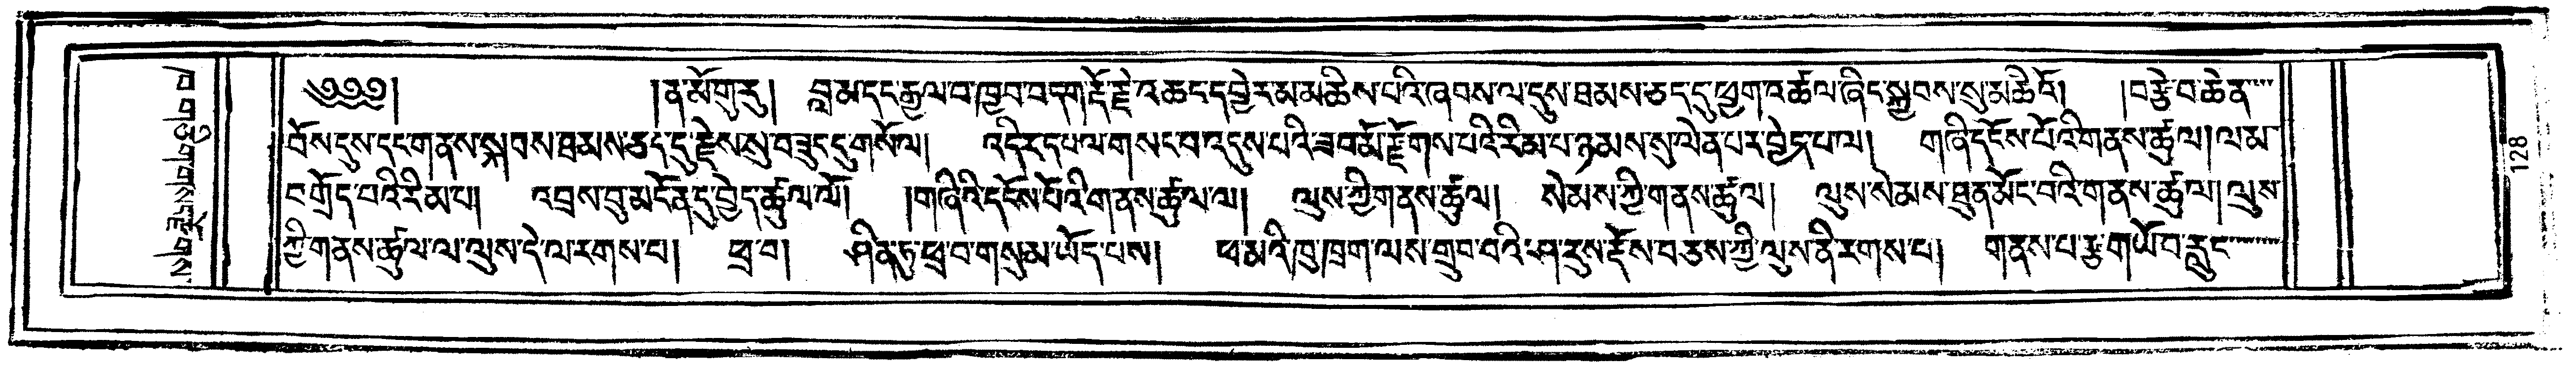༄༅༅། །ན་མོ་གུ་རུ། བླ་མ་དང་རྒྱལ་བ་ཁྱབ་བདག་རྡོ་རྗེ་འཆང་དབྱེར་མ་མཆིས་པའི་ཞབས་ལ་དུས་ཐམས་ཅད་དུ་ཕྱག་འཚལ་ཞིང་སྐྱབས་སུ་མཆིའོ། །བརྩེ་བ་ཆེན་
བོས་དུས་དང་གནས་སྐབས་ཐམས་ཅད་དུ་རྗེས་སུ་བཟུང་དུ་གསོལ། འདིར་དཔལ་གསང་བ་འདུས་པའི་ཟབ་མོ་རྫོགས་པའི་རིམ་པ་ཉམས་སུ་ལེན་པར་བྱེད་པ་ལ། གཞི་དངོས་པོའི་གནས་ཚུལ། ལམ་
བགྲོད་པའི་རིམ་པ། འབྲས་བུ་མངོན་དུ་བྱེད་ཚུལ་ལོ། །གཞིའི་དངོས་པོའི་གནས་ཚུལ་ལ། ལུས་ཀྱི་གནས་ཚུལ། སེམས་ཀྱི་གནས་ཚུལ། ལུས་སེམས་ཐུན་མོང་བའི་གནས་ཚུལ། ལུས་
ཀྱི་གནས་ཚུལ་ལ་ལུས་དེ་ལ་རགས་པ། ཕྲ་བ། ཤིན་ཏུ་ཕྲ་བ་གསུམ་ཡོད་པས། ཕ་མའི་ཁུ་ཁྲག་ལས་གྲུབ་བའི་ཤ་རུས་རྡོས་བཅས་ཀྱི་ལུས་ནི་རགས་པ། གནས་པ་རྩ་གཡོ་བ་རླུང་